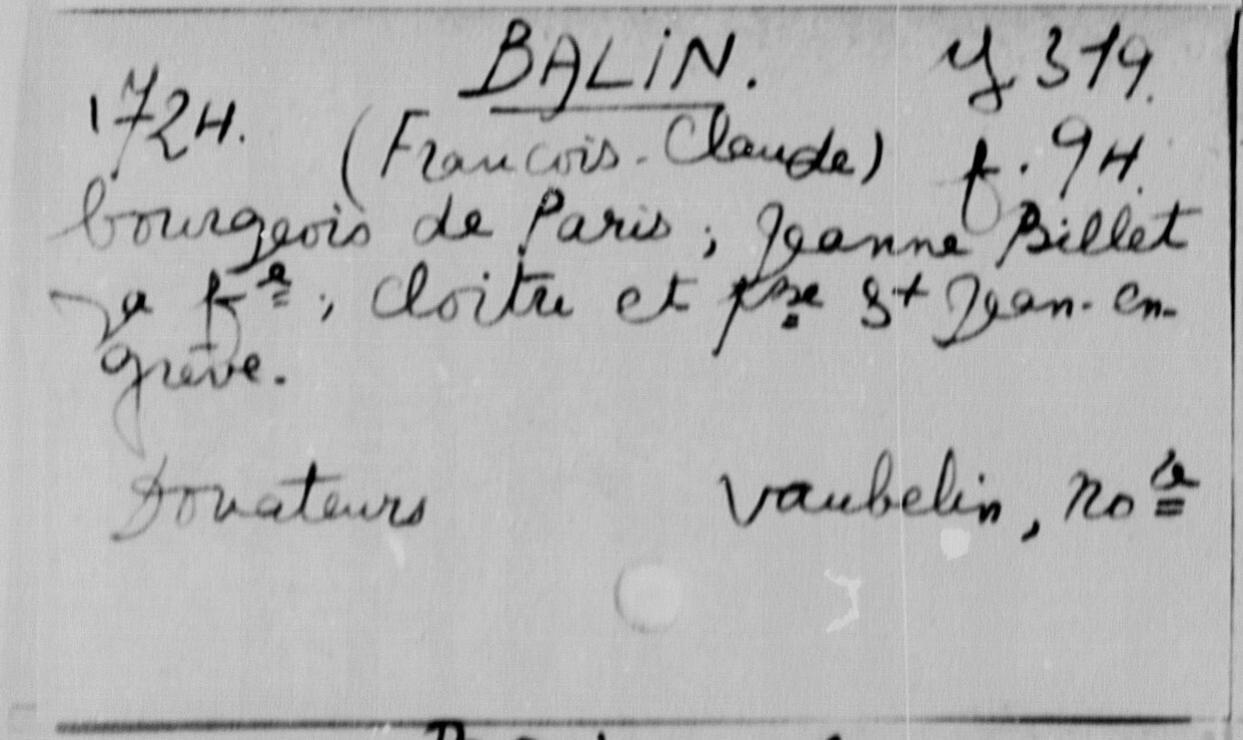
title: BALIN (François-Claude)
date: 1724
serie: Y
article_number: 319
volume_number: folio 94
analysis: bourgeois de Paris, Jeanne Billet, sa femme. Cloître et paroisse Saint Jean-en-Grève Donateurs. Vaubelin, notaire.
